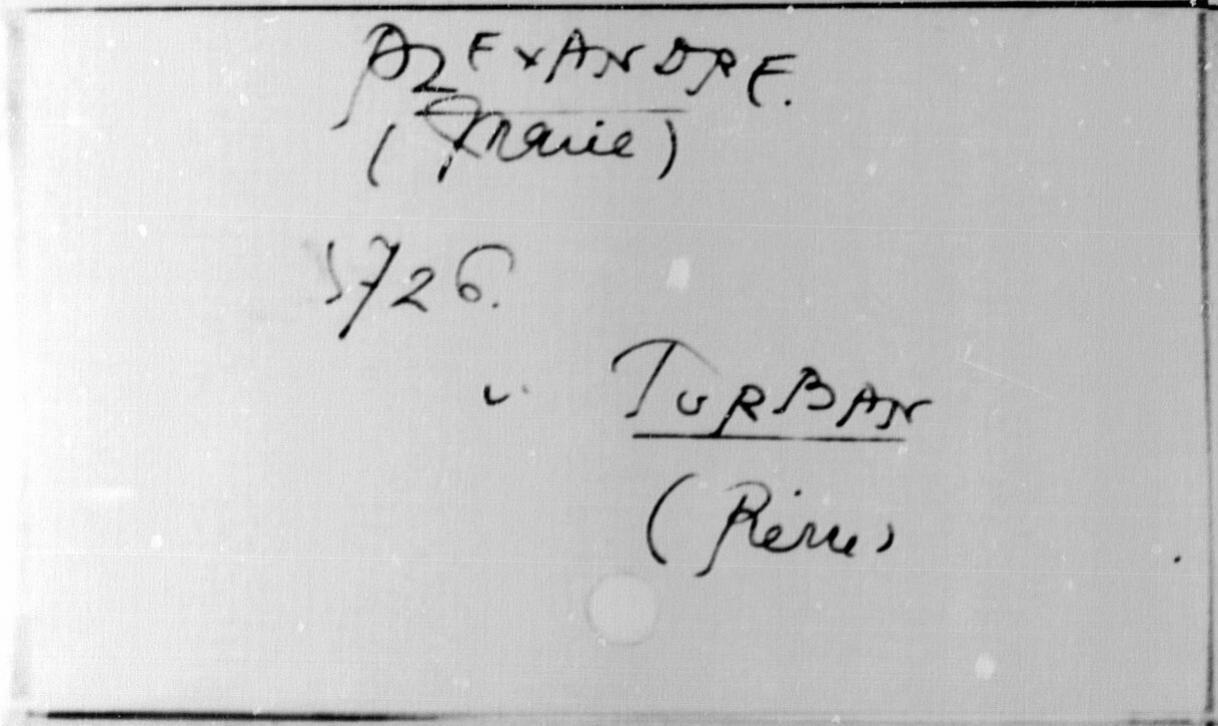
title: ALEXANDRE (Marie)
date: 1726
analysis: Voir TURBAN (Pierre)
